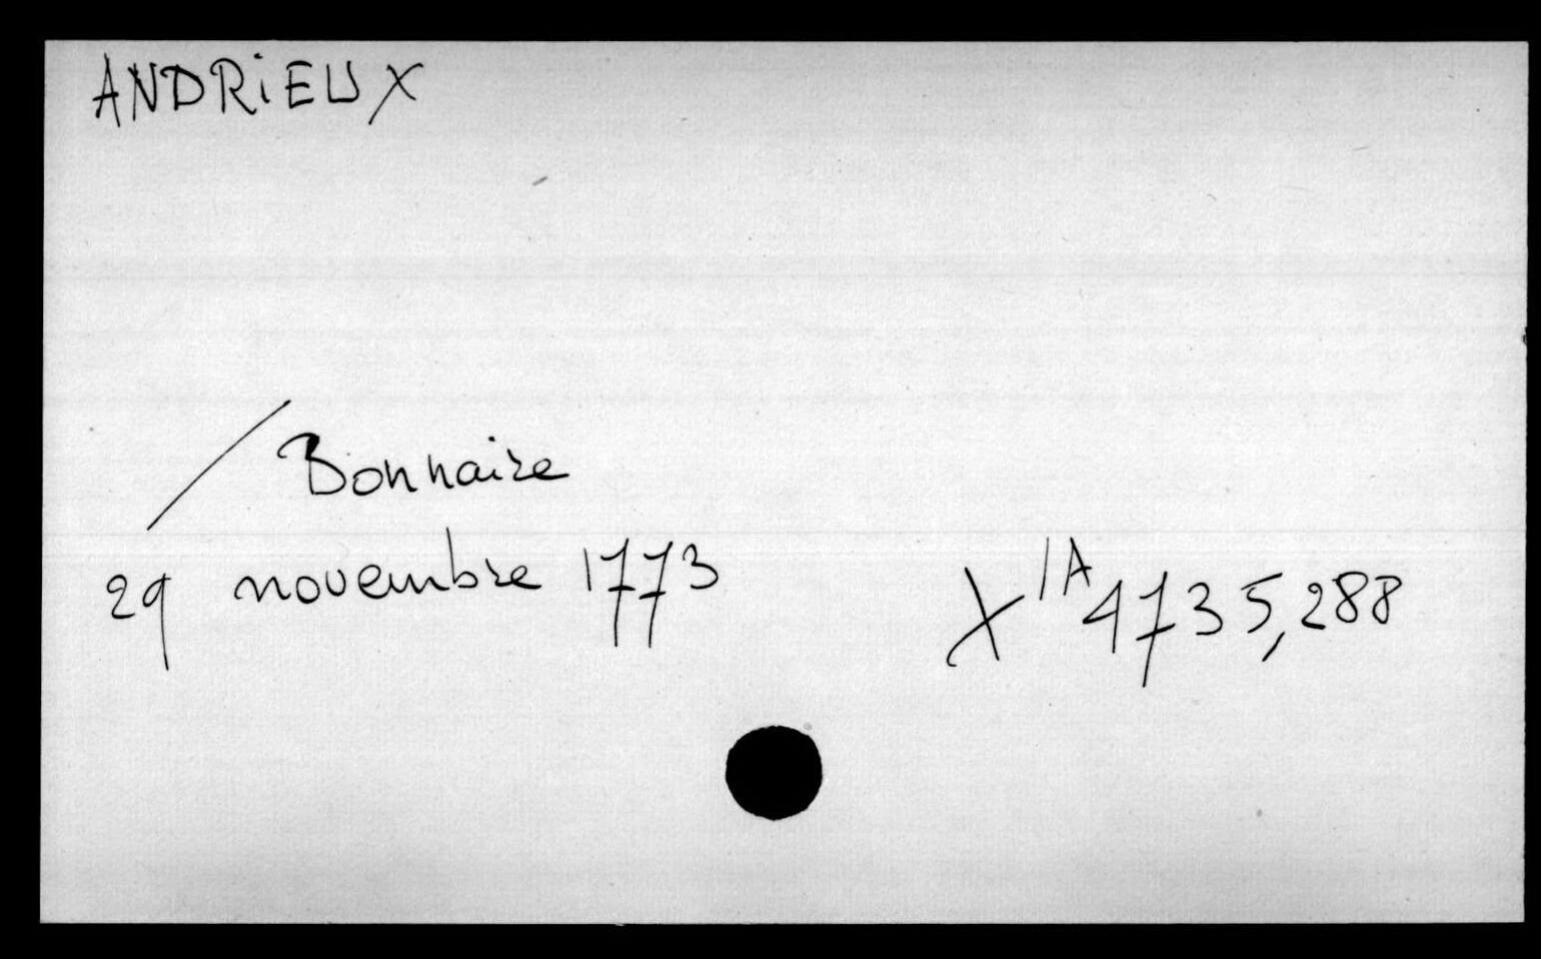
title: ANDRIEUX
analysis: Contre Bonnaire
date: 29 novembre 1773
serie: X1A
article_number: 4735
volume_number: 288
